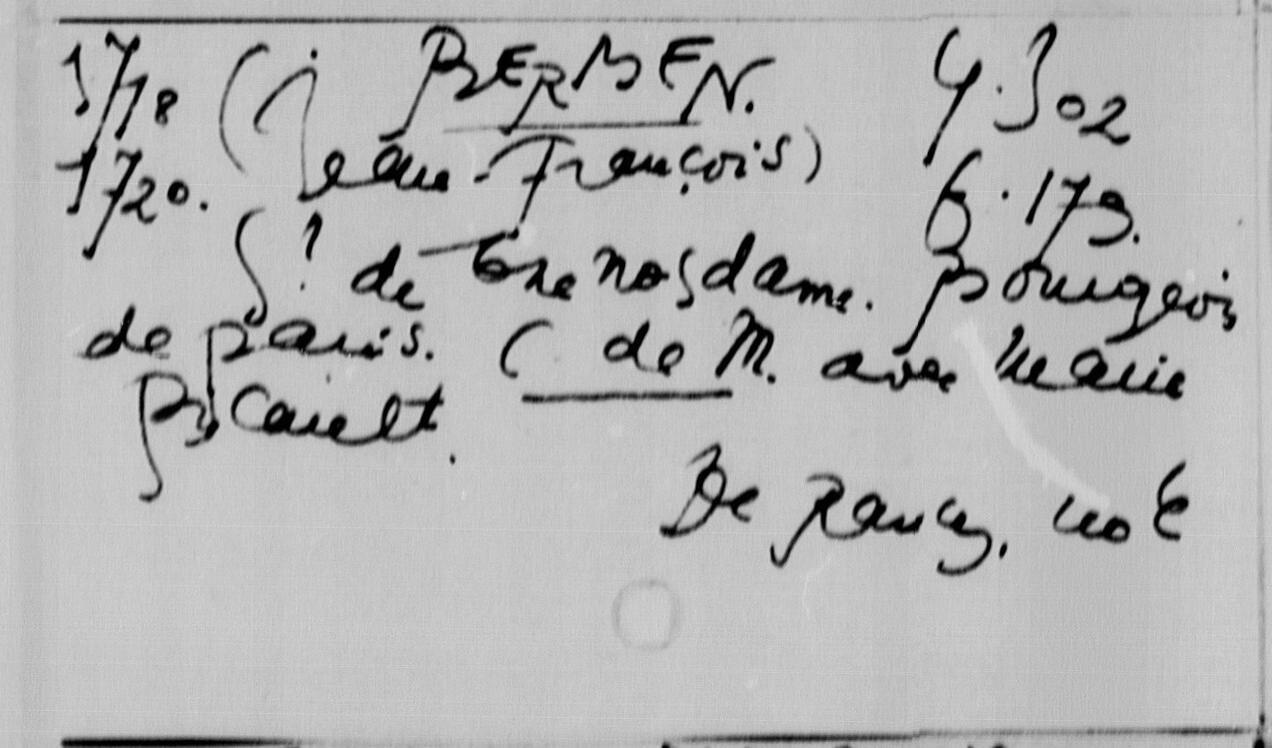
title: BERMEN (Jean-François)
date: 1718-1720
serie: Y
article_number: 302
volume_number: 179
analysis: Seigneur de Chenosdame, Bourgeois de Paris. Contrat de mariage avec Marie Picault. De Raucy, notaire.
